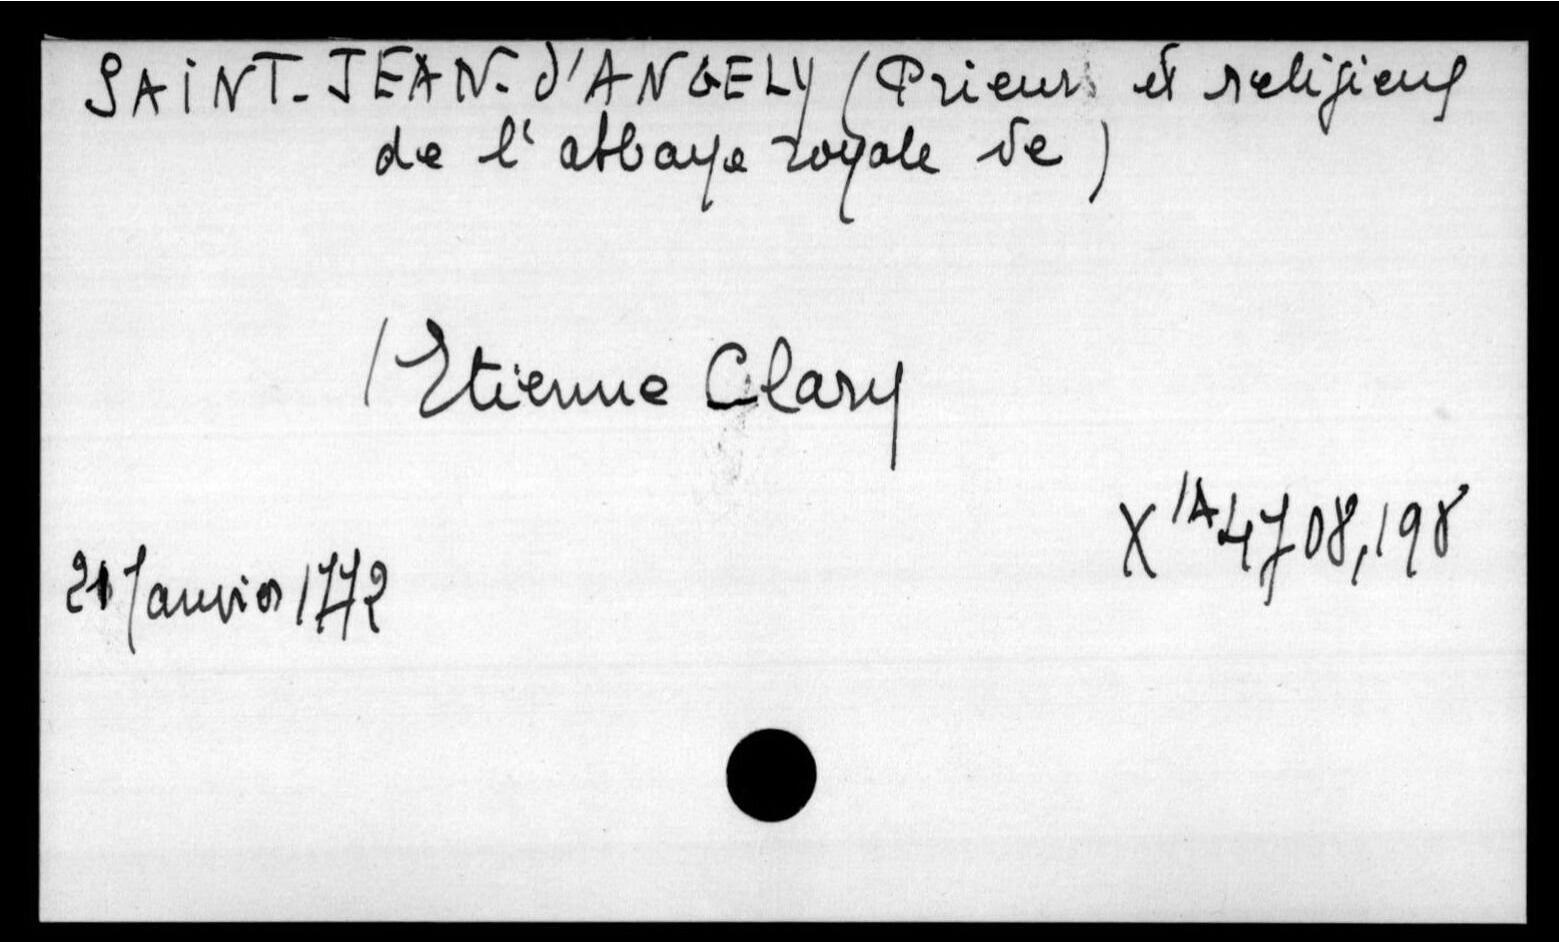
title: SAINT-JEAN d'ANBELY (Prieurs et religieux de l'abbaye royale de)
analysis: Contre Étienne Clary
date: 21 janvier 1772
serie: X1A
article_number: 4708
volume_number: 198
